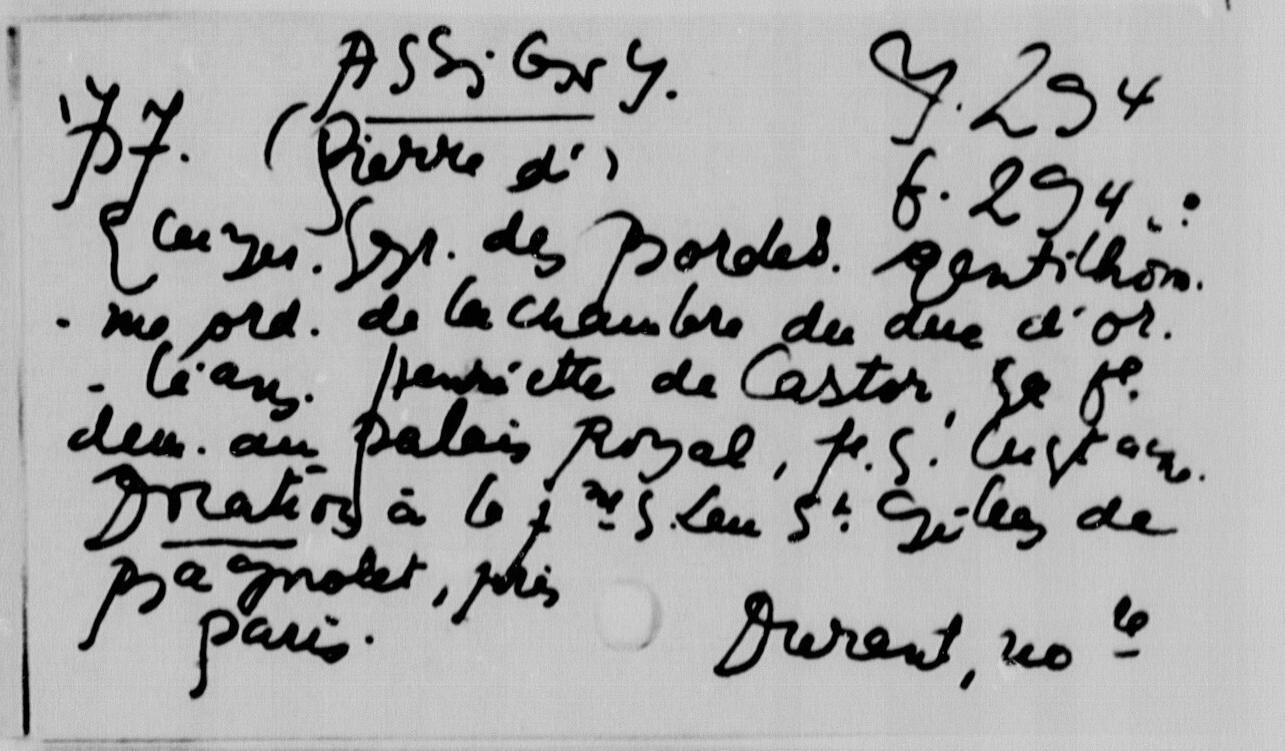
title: ASSIGNY (Pierre d')
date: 1717
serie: Y
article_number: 294
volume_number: folio 294 verso
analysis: Écuyer, seigneur des Bordes, gentilhomme ordinaire de la Chambre du duc d'Orléans. Henriette de Castor, sa femme, demeurant au Palais Royal, paroisse Saint Eustache Donation à la paroisse Saint-Leu Saint Gilles de Bagnolet, près Paris. Durant, notaire
